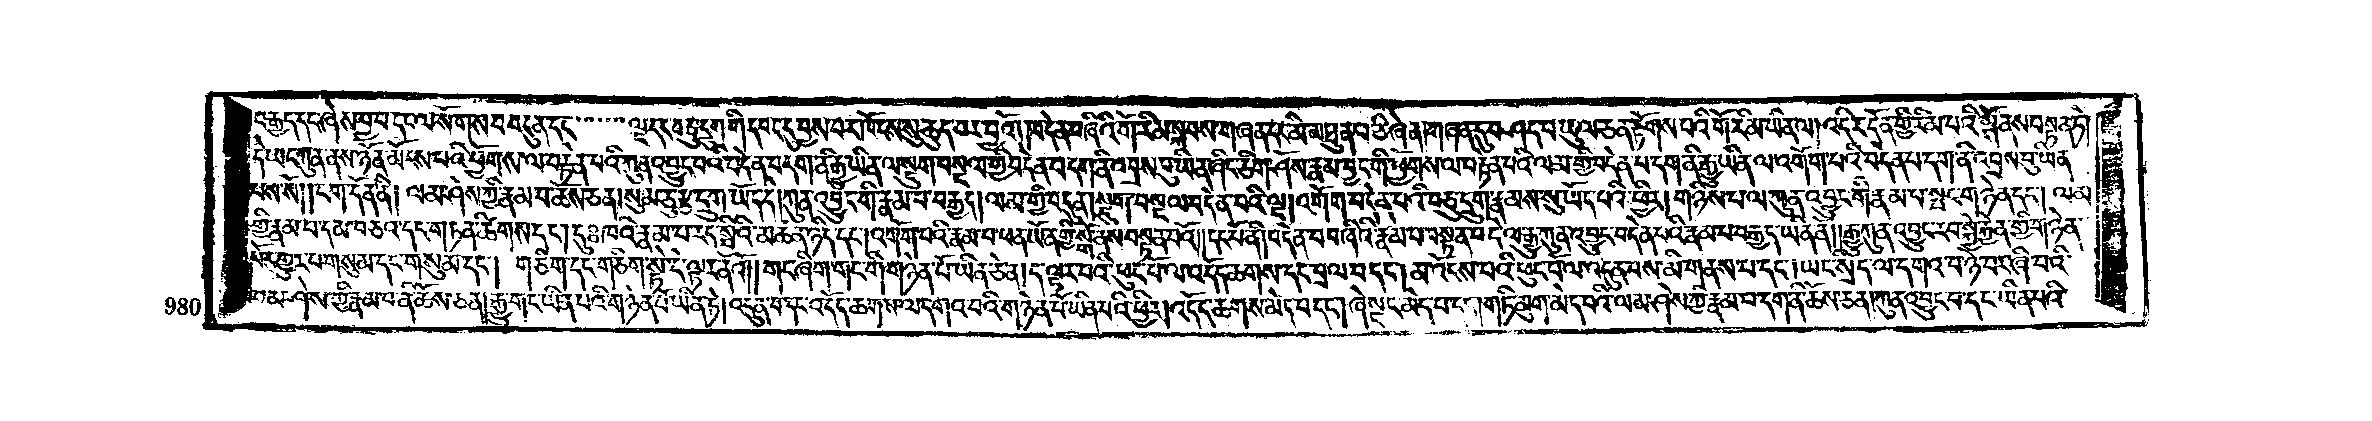བརྒྱད་དང་ཞེས་བྱ་བ་དང་ལ་སོགས་པ་བདུན་དང་ལྔ་དང་བཅུ་དྲུག་གི་དབང་དུ་བྱས་པར་ཁོངས་སུ་ཆུད་པར་བྱའོ། །བདེན་བཞིའི་གོ་རིམ་སྐབས་གཞན་དང་མི་མཐུན་པ་ཅི་ཞེ་ན། གཞན་དུ་བཤད་པ་ཡུལ་ཅན་རྟོགས་པའི་གོ་རིམ་ཡིན་ལ། འདིར་དོན་གྱི་རིམ་པའི་སྒོ་ནས་བསྟན་ཏེ།
དེ་ཡང་ཀུན་ནས་ཉོན་མོངས་པའི་ཕྱོགས་ལ་བརྟེན་པའི་ཀུན་འབྱུང་བའི་བདེན་པ་དག་ནི་རྒྱུ་ཡིན་ལ་སྡུག་བསྔལ་གྱི་བདེན་པ་དག་ནི་འབྲས་བུ་ཡིན་ཞིང་ཅིག་ཤོས་རྣམ་བྱང་གི་ཕྱོགས་ལ་བརྟེན་པའི་ལམ་གྱི་བདེན་པ་དག་ནི་རྒྱུ་ཡིན་ལ་འགོག་པའི་བདེན་པ་དག་ནི་འབྲས་བུ་ཡིན་
པས་སོ། །ངག་དོན་ནི། ལམ་ཤེས་ཀྱི་རྣམ་པ་ཆོས་ཅན། སུམ་ཅུ་རྩ་དྲུག་ཡོད་དེ། ཀུན་འབྱུང་གི་རྣམ་པ་བརྒྱད། ལམ་གྱི་བདུན། སྡུག་བསྔལ་བདེན་པའི་ལྔ། འགོག་བདེན་པའི་བཅུ་དྲུག་རྣམས་སུ་ཡོད་པའི་ཕྱིར། གཉིས་པ་ལ་ཀུན་འབྱུང་གི་རྣམ་པ་སྤང་གཉེན་དང་། ལམ་
གྱི་རྣམ་པ་དམ་བཅའ་དང་གཏན་ཚིགས་དང་། དུ་H ཁའི་རྣམ་པ་རང་སྤྱིའི་མཚན་ཉིད་དང་། འགོག་པའི་རྣམ་པ་ཕན་ཡོན་གྱི་སྒོ་ནས་བསྟན་པའོ། །དང་པོ་ནི། བདེན་པ་བཞིའི་རྣམ་པ་བསྟན་པ་དེ་ལ་རྒྱུ་ཀུན་འབྱུང་བདེན་པའི་རྣམ་པ་བརྒྱད་ཡིན་ནོ། །རྒྱུ་ཀུན་འབྱུང་རབ་སྐྱེ་རྐྱེན་གྱི་གཉེན་
པོར་གྱུར་པ་གསུམ་དང་གསུམ་དང་། གཅིག་དང་གཅིག་སྟེ་དེ་ལྟར་ནོའོ། །གང་ཞིག་གང་གི་གཉེན་པོ་ཡིན་ཅེ་ན། ད་ལྟར་བའི་ཕུང་པོ་ལ་འདོད་ཆགས་དང་བྲལ་བ་དང་། མ་འོངས་བའི་ཕུང་པོ་ལ་འདུན་པས་མི་གནས་པ་དང་། ཡང་སྲིད་ལ་དགའ་བ་ཉེ་བར་ཞི་བའི་
ལམ་ཤེས་ཀྱི་རྣམ་པ་ནི་ཆོས་ཅན། རྒྱུ་གང་ཡིན་པའི་གཉེན་པོ་ཡིན་ཏེ། འདུན་པ་དང་འདོད་ཆགས་ལ་དགའ་བའི་གཉེན་པོ་ཡིན་པའི་ཕྱིར། འདོད་ཆགས་མེད་པ་དང་། ཞེ་སྡང་མེད་པ་དང་། གཏི་མུག་མེད་པའི་ལམ་ཤེས་ཀྱི་རྣམ་པ་དག་ནི་ཆོས་ཅན། ཀུན་འབྱུང་བ་དང་ཡིན་པའ་